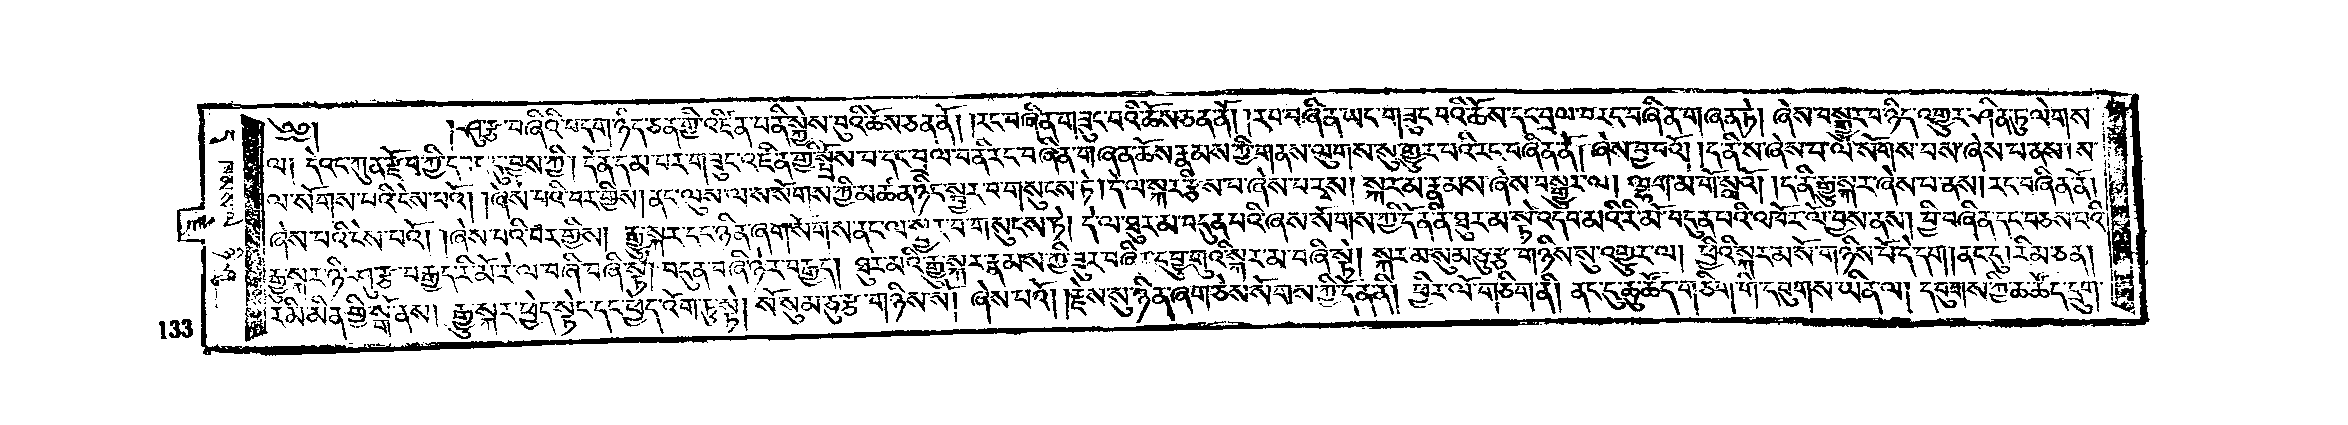༄༅། །ཤུ་རྩ་བཞིའི་བདག་ཉིད་ཅན་གྱི་འཛིན་པ་ནི་སྐྱེས་བུའི་ཆོས་ཅན་ནོ། །རང་བཞིན་གཟུང་བའི་ཆོས་ཅན་ནོ། །རང་བཞིན་ཡང་གཟུང་བའི་ཆོས་དང་བྲལ་བ་རང་བཞིན་གཞན་ཏེ། ཞེས་བསྒྱུར་བ་ཉིད་འགྱུར་ཤིན་ཏུ་ལེགས་
ལ། དེའང་ཀུན་རྫོབ་ཀྱི་དབང་དུ་བྱས་ཀྱི། དོན་དམ་པར་གཟུང་འཛིན་གྱི་སྤྲོས་པ་དང་བྲལ་བ་ནི་རང་བཞིན་གཞན་ཆོས་རྣམས་ཀྱི་གནས་ལུགས་སུ་གྱུར་བའི་རང་བཞིན་ནོ། ཞེས་བྱ་བའོ། །ད་ནི་ས་ཞེས་པ་ལ་སོགས་པས་ཞེས་པ་ནས། ས་
ལ་སོགས་པའི་ངེས་པའོ། །ཞེས་པའི་བར་གྱིས། ནང་ལུས་ལ་ས་སོགས་ཀྱི་མཚན་ཉིད་སྦྱར་བ་གསུངས་ཏེ། དེ་ལ་སྐར་རྩིས་པ་ཞེས་པ་རྭས། སྐར་མ་རྣམས་ཞེས་བསྒྱུར་ལ། ལྷག་མ་གོ་སླའོ། །ད་ནི་རྒྱུ་སྐར་ཞེས་པ་ནས། རང་བཞིན་ནོ།
ཞེས་པའི་ངེས་པའོ། །ཞེས་པའི་བར་གྱིས། རྒྱུ་སྐར་དང་ཉིན་ཞག་སོགས་ནང་ལ་སྦྱར་བ་གསུངས་ཏེ། དེ་ལ་ཐུར་མ་བདུན་པའི་ཞས་སོགས་ཀྱི་དོན་ནི་ཐུར་མ་སྟེ་འདབ་མའི་རི་མོ་བདུན་པའི་འཁོར་ལོ་བྱས་ནས། བྱི་བཞིན་དང་བཅས་པའི་
རྒྱུ་སྐར་ཉི་ཤུ་རྩ་བརྒྱད་རི་མོ་རེ་ལ་བཞི་བཞི་སྟེ། བདུན་བཞི་ཉེར་བརྒྱད། ཐུར་མའི་རྒྱུ་སྐར་རྣམས་ཀྱི་ཟུར་བཞིར་དབྱུ་གུའི་སྐར་མ་བཞི་སྟེ། སྐར་མ་སུམ་ཅུ་རྩ་གཉིས་སུ་འགྱུར་ལ། ཕྱིའི་སྐར་མ་སོ་གཉིས་པོ་དེ་དག །ནང་དུ། རིམ་ཅན།
རིམ་མིན་གྱི་སྒོ་ནས། རྒྱུ་སྐར་ཕྱེད་སྟེང་དང་ཕྱེད་འོག་ཏུ་སྟེ། སོ་སུམ་ཅུ་རྩ་གཉིས་སོ། ཞེས་པའོ། །རྗེས་སུ་ཉིན་ཞག་ཅེས་སོགས་ཀྱི་དོན་ནི། ཕྱིར་ལོ་གཅིག་ནི། ནང་དུ་ཆུ་ཚོད་གཅིག་གི་དབུགས་ཡིན་ལ། དབུགས་ཀྱི་ཆ་ཚོད་དྲུག་